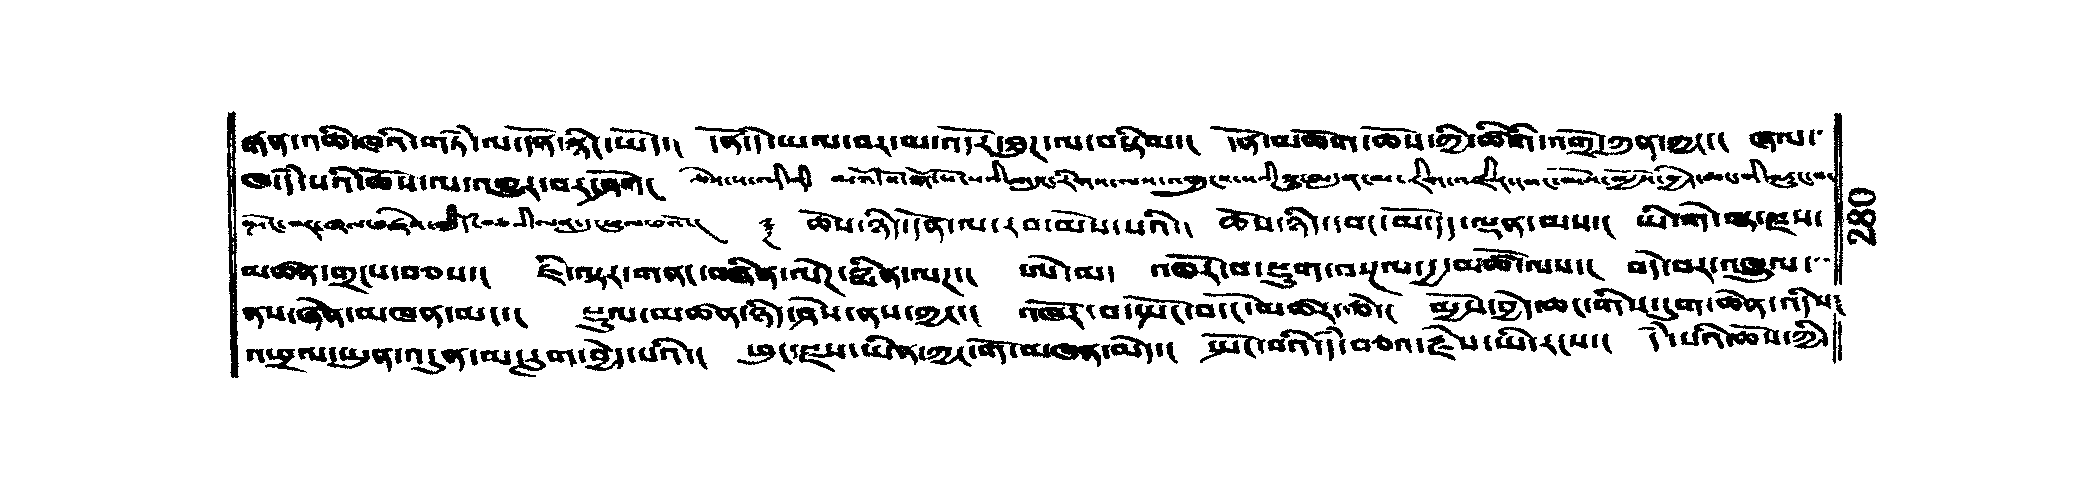རྒན་འཆི་ཁའི་གཏམ་ལ་དོན་སྙིང་ཡོད། །དོན་དེ་ཡལ་བར་མ་འདོར་ཐུགས་ལ་བསྟིམ། །དོན་མཆོག་ཆོས་ཀྱི་ཚིག་གི་འགྲོ་ཀུན་ཀྱང། །ཞལ་
ཁ་དམ་པའི་ཆོས་ལ་འགྱུར་བར་ཤོག ཅེས་པ་འདི་ནི། མཉམ་མེད་སྒོམ་པོ་པའི་གདུང་རིགས་ལས་འཁྲུངས་པའི་སྐུ་མདུན་མ་རིག་འཛིན་དབང་མོས་མྱོས་བྱེད་ཆང་གི་བཏུང་བ་
སྤོང་བར་ཞལ་བཞེས་གྱི་དམ་བཅའི་ལན་དུ་ཕུལ་བའོ།། ༈ ཆོས་ཉིད་དོན་ལ་རབ་མོས་པའི། །ཆོས་ཉིད་དབང་མོ་དད་ལྡན་མས། །ཡི་གེ་ལྷ་རྫས་
མཚན་གྲངས་བཅས། །ཇི་ལྟར་གནང་བཞིན་ལེགས་སྨིན་ལགས། ཨེ་མ། འཁོར་བ་སྡུག་བསྔལ་རྒྱ་མཚོ་ལས། །བདེ་བར་འཁྲུལ་
ནས་ཞེན་མཁན་མང། །སྡུག་བསྔལ་མཚན་ཉིད་ཤེས་ནས་ཀྱང་། །འཁོར་བ་སྤོང་བ་ངོ་མཚར་ཆེ། །མྱོས་བྱེད་ཆང་གིས་དུག་ཆེན་འདིས། །
འཕྲལ་ཡུན་འདུན་མ་རླག་བྱེད་པའི། །ཕུང་རྫས་ཡིན་ཀྱང་གོ་མཁན་མེད། །སྤོང་བའི་དམ་བཅའ་རྗེས་ཡི་རངས། །དམ་པའི་ཆོས་ཀྱི་